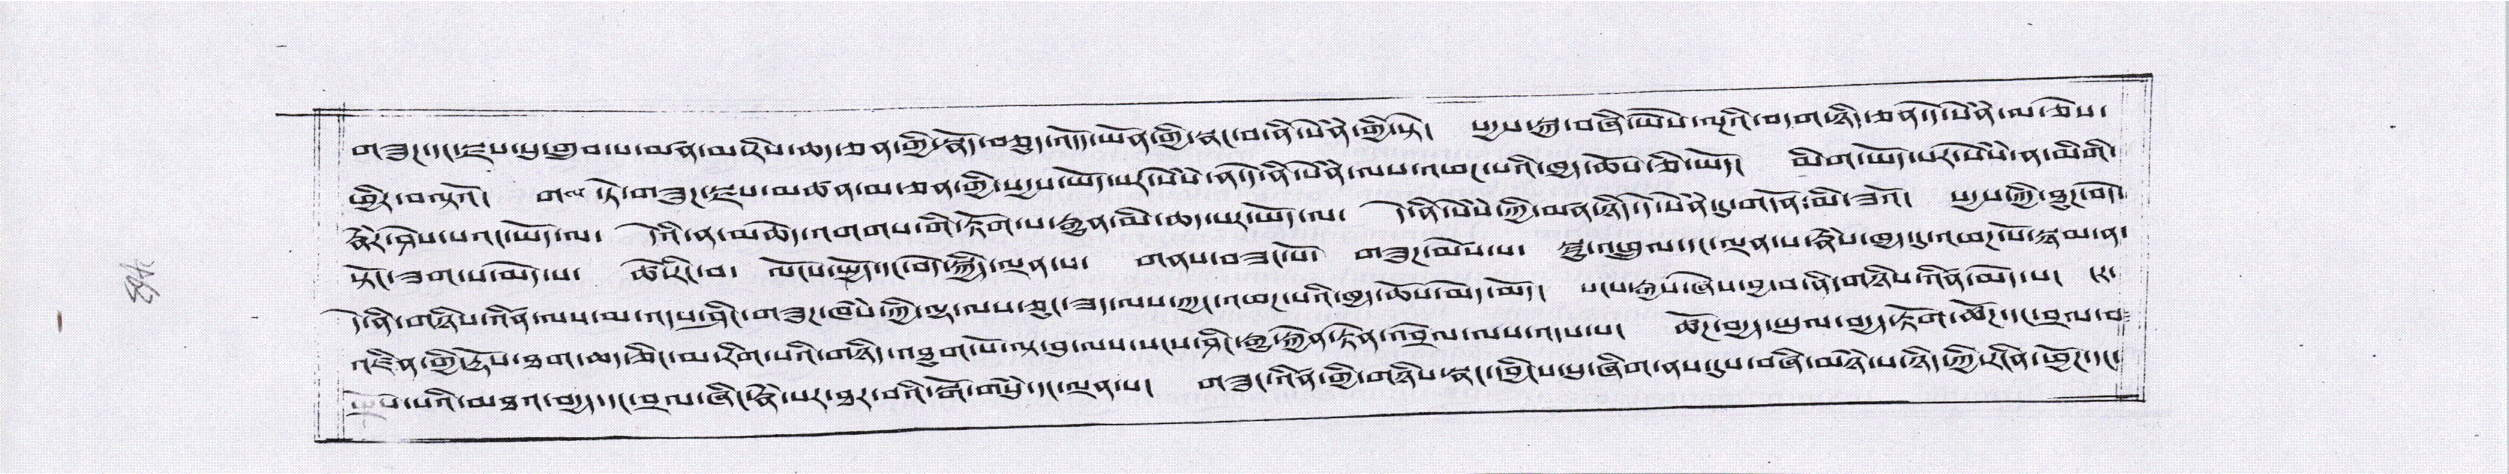གཟུགས་དང་རིས་སུ་གྲུབ་པ་མཚན་མ་རིས་ཆད་ཅན་གྱི་སྣོད་བཅུད་འདོད་ཡོན་གྱི་སྣང་བའི་སེམས་ཅན་གྱི་སྟེ། སངས་རྒྱས་སྐུ་བཞི་ཡེ་ཤེས་ལྔ་ཡི་བདག་ཉིད་ཅན་སེམས་ཅན་ལ་ཅིའི་
ཕྱིར་བལྟའོ། གལ་ཏེ་གཟུགས་རྫས་མཚན་མ་ཅན་གྱི་སངས་རྒྱས་ཡོད་པར་སེམས་ན་དེ་ནི་སེམས་ཅན་ལས་འཕགས་པའི་ཁྱད་ཆོས་ཅི་ཡོད། མིག་ཡོད་པར་སེམས་ན་མིག་གི་
རྣམ་པར་ཤེས་པའང་ཡོད་ལ། དེའི་ན་མཆེད་འགག་གི་རྟོག་པ་རྒྱུན་མི་འཆད་པར་ཡོད་ལ། དེ་ནི་སེམས་ཀྱི་མཚན་ཉིད་དེ་སེམས་ཅན་དུ་གདོན་མིི་ཟའོ། སངས་རྒྱས་ཀྱི་ཐུགས་བདེ་
སྟོང་ཟག་པ་མེད་པ། ཚེ་རིང་བ་ལོངས་སྤྱོད་དང་བདེ་སྐྱིད་ལྡན་པ། གནས་བཟང་པོ། གཟུགས་མཛེས་པ། རྫུ་འཕྲུལ་དང་ལྡན་པ་རྣམས་ཁྱད་དུ་འཕགས་སོ་སྙམ་ན་
དེ་ནི་གཉིས་འཛིན་ལས་མ་འདས་ཤིང་གཟུགས་ཁམས་ཀྱི་ལྷ་ལས་ཅུང་ཟད་ཀྱང་འཕགས་པའི་ཁྱད་ཆོས་མེད་མོད། སངས་རྒྱས་ཞེས་བྱ་བ་ནི་གཉིས་འཛིན་མེད་པ། ངར་
འཛིན་གྱི་རྡོས་ཐག་ཆད་ཅིང་མ་རིག་པའི་གཉིད་འཐུག་པོ་ལྟ་བུ་ལས་སངས་ཤིང་རྒྱུ་རྐྱེན་རྟེན་འབྲེལ་ལས་འདས་པ། ཚོགས་བརྒྱད་ཡུལ་བརྒྱད་རྟོག་ཚོགས་དང་བྲལ་བ། 
སྤྲོས་པའི་མཐའ་བརྒྱད་དང་བྲལ་ཞིང་རྣམ་པར་ཐར་པའི་སྒོ་གསུམ་དང་ལྡན་པ། གཟུང་འཛིན་གྱི་གཉིས་སྣང་དབྱིངས་སུ་ཞིག་ནས་དུས་བཞི་མཉམ་པ་ཉིད་ཀྱི་རང་བཞིན་ཕྱོགས་དང་